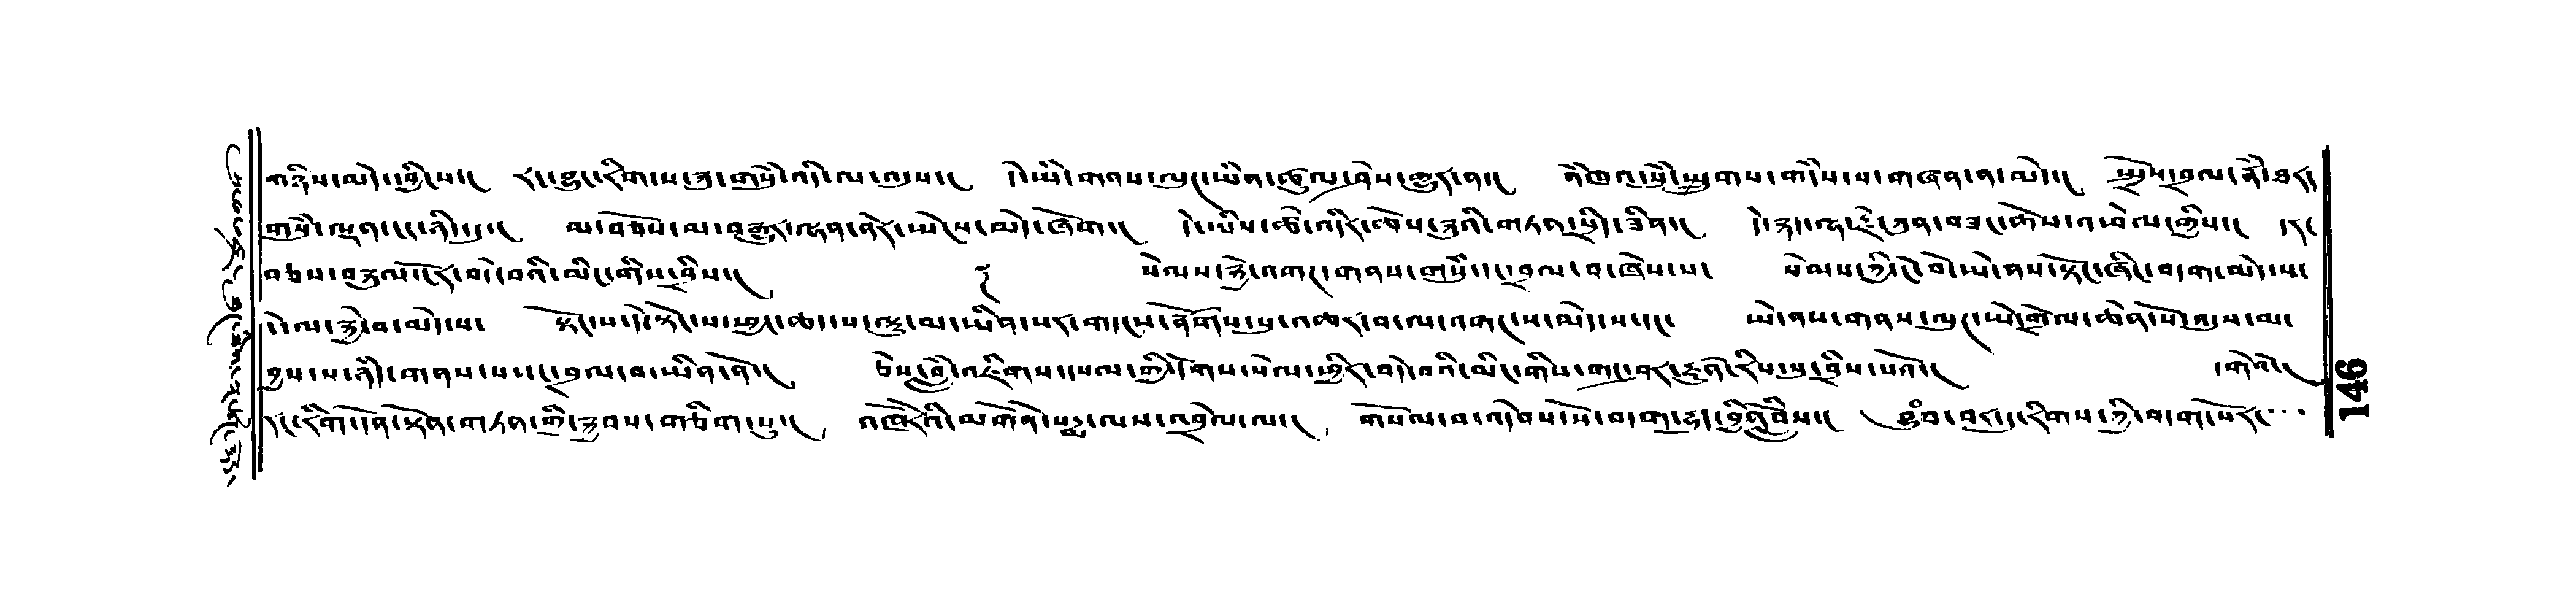གཉིསམེད་དབྱིངས། །རང་བྱུང་རིག་པ་སྐུ་གསུམ་འདི་ལ་འདུས། །དེ་ཡི་གནས་ལུགས་ཡིན་ཚུལ་ཤེས་གྱུར་ན། །ནམ་མཁའ་སུམ་སྤྲུགས་གདམས་པ་གཞན་ན་མེད། །སྤྲོས་བྲལ་རྣམ་ཐར་
གསུམ་ལྡན་ངང་ཉིད་དུ། །མ་བཅོས་མ་བསྒྱུར་ལྷན་ནེར་ཡེངས་མེད་ཞོག །དེ་ཡིས་ཚེ་འདིར་ཆོས་སྐུའི་གཏན་སྲིད་ཟིན། །དེ་སྐད་ལྷ་རྗེ་ཀུན་བཟང་ཆོས་འཕེལ་གྱིས། །དར་
བཅས་བསྐུལ་ངོར་བདེ་བའི་མིང་གིས་བྲིས། ༈ སེམས་སྐྱེད་འགག་གནས་གསུམ་དང་བྲལ་བ་ཞེས་པ། སེམས་ཀྱི་ངོ་བོ་ཡེ་ནས་སྟོང་ཞིང་བདག་མེད་པ་
དེ་ལ་སྐྱེ་བ་མེད་པ། སྟོང་པ་དེ་སྟོང་པ་ཕྱང་ཆད་པ་ལྟ་བུ་མ་ཡིན་པར་གདངས་སྣ་ཚོགས་སུ་འཆར་བ་ལ་འགག་པ་མེད་པ་དང་། ཡེ་ནས་གནས་ལུགས་ཡེ་གྲོལ་ཆེན་པོ་འདུས་མ་
བྱས་པ་ཉིད་གནས་པ་དང་བྲལ་བ་ཡིན་ནོ།། ཅེས་བླ་མ་འཇིགས་དཔལ་གྱི་དོགས་སེལ་ཕྱིར་བདེ་བའི་མིང་གིས་གང་ཤར་རྫུན་རིས་སུ་བྲིས་པའོ།། དགེའོ།། 
རང་རིག་དོན་སྟོན་གཏན་གྱི་སྐྱབས་གཅིག་པུ། །འཁོར་ལོའི་མགོན་པོ་པདྨ་ལས་འབྲེལ་ལ། །གསོལ་བ་འདེབས་སོ་བདག་རྒྱུད་བྱིན་གྱིས་རློབས། །བྱང་ཆུབ་བར་དུ་རིགས་ཀྱི་བདག་པོར་